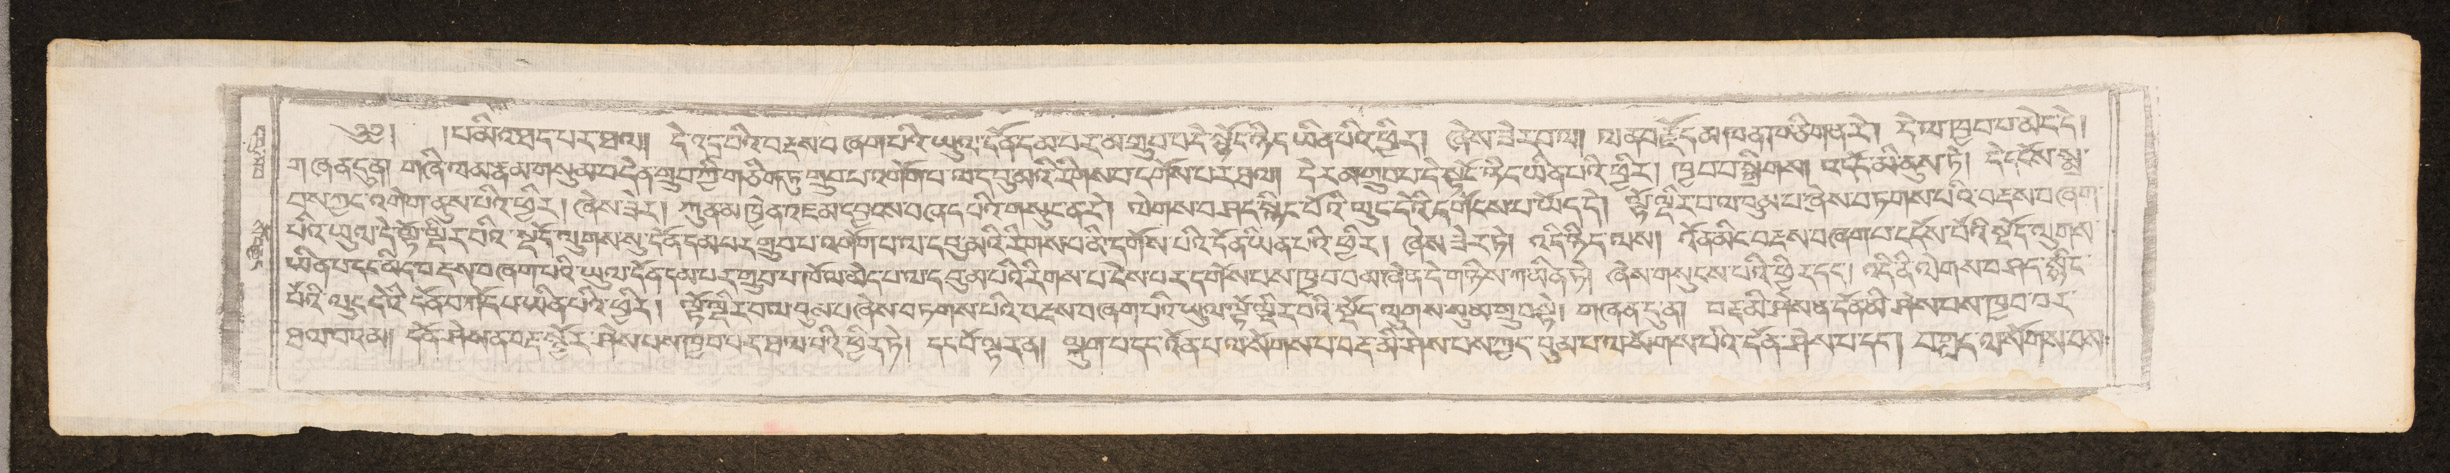༄༅། །པ་མི་འ་ཐད་པར་ཐལ། དེ་འདྲ་བའི་བརྡས་བཞག་པའི་ཡུལ་དོན་དམ་པར་མ་གྲུབ་པ་དེ་སྟོང་ཉིད་ཡིན་པའི་ཕྱིར། ཞེས་ཟེར་བ་ལ། ལན་བརྗོད་མཁན་ཁ་ཅིག་ན་རེ། དེ་ལ་ཁྱབ་པ་མེད་དེ།
གཞན་དུན། གཞི་ལམ་རྣམ་གསུམ་བདེན་གྲུབ་ཀྱི་གཅིག་ཏུ་གྲུབ་པ་འགོག་པ་ལ་དབུ་མའི་རིགས་པ་དགོས་པར་ཐལ། དེར་མ་གྲུབ་པ་དེ་སྟོང་ཉིད་ཡིན་པའི་ཕྱིར། ཁྱབ་པ་བསྒྲིགས། འདོད་མི་ནུས་ཏེ། དེ་དངོས་སྨྲ་
བས་ཀྱང་འགེག་ནུས་པའི་ཕྱིར། ཞེས་ཟེར། ཀུན་མཁྱེན་འཇམ་དབྱང་བཞད་པའི་གསུང་ན་རེ། ལེགས་བཤད་སྙིང་པོའི་ལུང་དེའི་དགོངས་པ་ཡོད་དེ། ལྟོ་ལྡིར་བ་ལ་བུམ་པ་ཞེས་བཏགས་པའི་བརྡས་བཞག་
པའི་ཡུལ་དེ་ལྟོ་ལྡིར་བའི་སྡོད་ལུགས་སུ་དོན་དམ་པར་གྲུབ་པ་འགོག་པ་ལ་དབུ་མའི་རིགས་པ་མི་དགོས་པའི་དོན་ཡིན་པའི་ཕྱིར། ཞེས་ཟེར་ཏེ། འདི་ཉིད་ལས། འོ་ན་མིང་བརྡས་བཞག་པ་དངོས་པོའི་སྡོད་ལུགས་
ཡིན་པ་དང་མིང་བརྡས་བཞག་པའི་ཡུལ་དོན་དམ་པར་གྲུབ་པ་ཁོ་ལ་མེད་པ་ལ་དབུ་མ་པའི་རིགས་པ་ངེས་པར་དགོས་པས་ཁྱབ་བ་མ་ཞེ་ན་དེ་གཉིས་ཀ་མིན་ཏེ། ཞེས་གསུངས་པའི་ཕྱིར་དང་། འདི་ནི་ལེགས་བཤད་སྙིང་
པོའི་ལུང་དེའི་དོན་བཀོད་པ་ཡིན་པའི་ཕྱིར། ལྟོ་ལྡིར་བ་ལ་བུམ་པ་ཞེས་བཏགས་པའི་བརྡས་བཞག་པའི་ཡུལ་ལྟོ་ལྡིར་བའི་སྡོད་ལུགས་སུ་མ་གྲུབ་སྟེ། གཞན་དུ་ན། བརྡ་མི་ཤེས་ན་དོན་མི་ཤེས་པས་ཁྱབ་པར་
ཐལ་བ་འམ། དོན་ཤེས་ན་བརྡ་སྦྱོར་ཤེས་པས་ཁྱབ་པར་ཐལ་བའི་ཕྱིར་ཏེ། དང་པོ་ལྟར་ན། ལྐུག་པ་དང་འོན་པ་ལ་སོགས་པ་བརྡ་མི་ཤེས་པས་ཀྱང་བུམ་པ་ལ་སོགས་པའི་དོན་ཤེས་པ་དང་། བ་གླང་ལ་སོགས་པས་